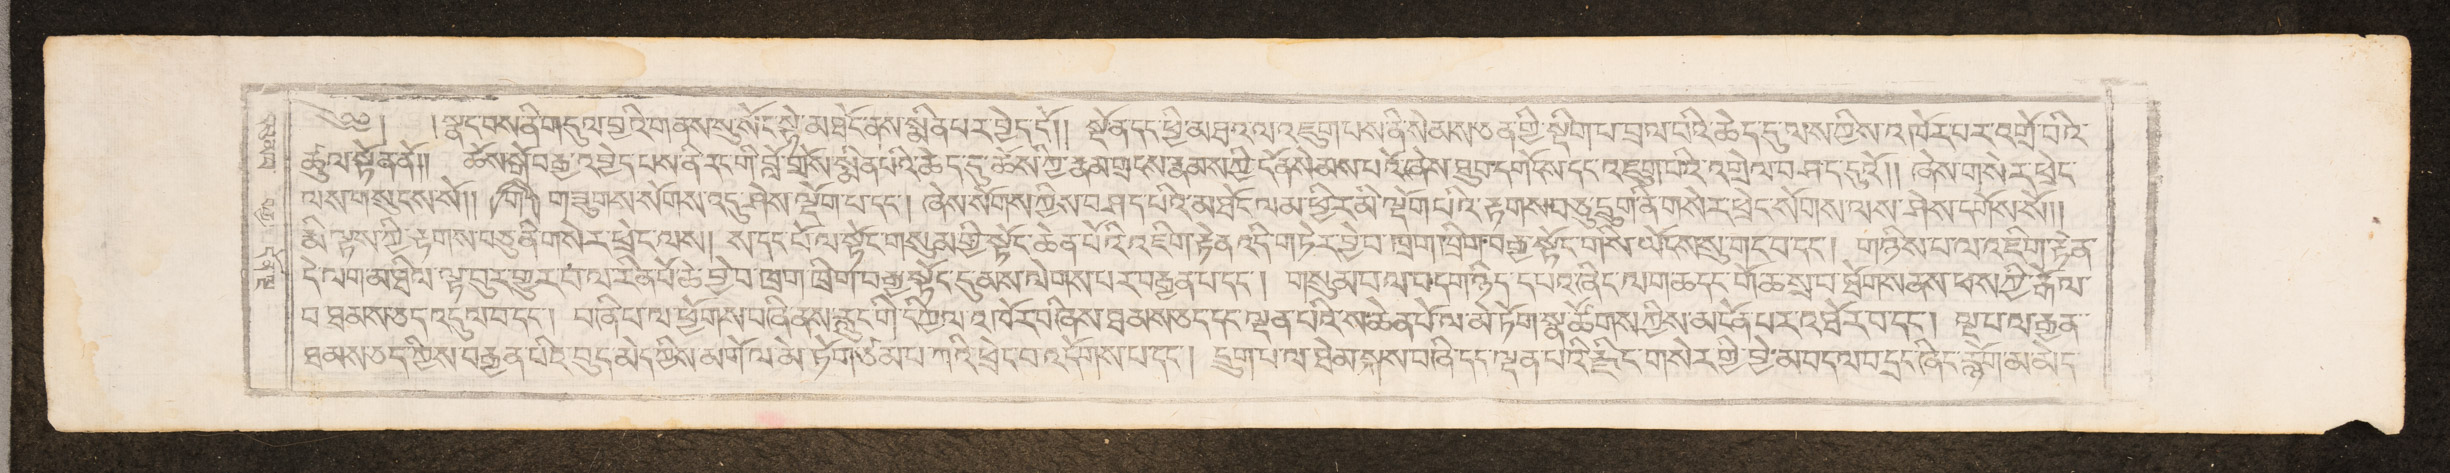༄༅། །སྣང་བས་ནི་གདུལ་བྱའི་གནས་སུ་སོང་སྟེ་མཐོང་ནས་སྨིན་པར་བྱེད་དོ།། སྔོན་དང་ཕྱི་མཐའ་ལ་འཇུག་པས་ནི་སེམས་ཅན་གྱི་སྡིག་པ་བྲལ་བའི་ཆེད་དུ་ལས་ཀྱིས་འཁོར་བར་འགྲོ་བའི་
ཚུལ་སྟོན་ནོ།། ཆོས་སྒོ་བརྒྱ་འབྱེད་པས་ནི་རང་གི་བློ་གྲོས་སྨིན་པའི་ཆེད་དུ་ཆོས་ཀྱི་རྣམ་གྲངས་རྣམས་ཀྱི་དོན་སེམས་པའོ་ཞེས་ཐུབ་དགོངས་དང་འཇུག་པའི་འགྲེལ་བཤད་དུའོ།། ཞེས་གསེར་ཕྲེང་
ལས་གསུངས་སོ།། ༼༽ག༼༽ གཟུགས་སོགས་འདུ་ཤེས་ལྡོག་པ་དང་། ཞེས་སོགས་ཀྱིས་བཤད་པའི་མཐོང་ལམ་ཕྱིར་མི་ལྡོག་པའི་རྟགས་བཅུ་དྲུག་ནི་གསེར་ཕྲེང་སོགས་ལས་ཤེས་དགོས་སོ།།
རྨི་ལྟས་ཀྱི་རྟགས་བཅུ་ནི་གསེར་ཕྲེང་ལས། ས་དང་པོ་ལ་སྟོང་གསུམ་གྱི་སྟོང་ཆེན་པོའི་འཇིག་རྟེན་འདི་གཏེར་བྱེ་བ་ཁྲག་ཁྲིག་བརྒྱ་སྟོང་གིས་ཡོངས་སུ་གང་བ་དང་། གཉིས་པ་ལ་འཇིག་རྟེན་
དེ་ལག་མཐིལ་ལྟ་བུར་གྱུར་བ་ལ་རིན་པོ་ཆེ་བྱེ་བ་ཁྲག་ཁྲིས་བརྒྱ་སྟོང་དུ་མས་ལེགས་པར་བརྒྱན་པ་དང་། གསུམ་པ་ལ་བདག་ཉིད་དཔའ་ཞིང་ལག་ཆ་དང་གོ་ཆ་སྲབ་ཐོགས་ནས་ཕས་ཀྱི་རྒོལ་
བ་ཐམས་ཅད་འདུལ་བ་དང་། བཞི་པ་ལ་ཕྱོགས་བཞི་ནས་རླུང་གི་དཀྱིལ་འཁོར་བཞིས་ཐམས་ཅད་དང་ལྡན་པའི་ས་ཆེན་པོ་ལ་མེ་ཏོག་སྣ་ཚོགས་ཀྱིས་མངོན་པར་འཐོར་བ་དང་། ལྔ་པ་ལ་རྒྱན་
ཐམས་ཅད་ཀྱིས་བརྒྱན་པའི་བུད་མེད་ཀྱིས་མགོ་ལ་མེ་ཏོག་ཙམ་པ་ཀའི་ཕྲེང་བ་འདོགས་པ་དང་། དྲུག་པ་ལ་ཐེམ་སྐས་བཞི་དད་ལྡན་པའི་རྫིང་གསེར་གྱི་བྱེ་མ་བདལ་བ་དྲང་ཞིང་རྙོག་མ་མེད་